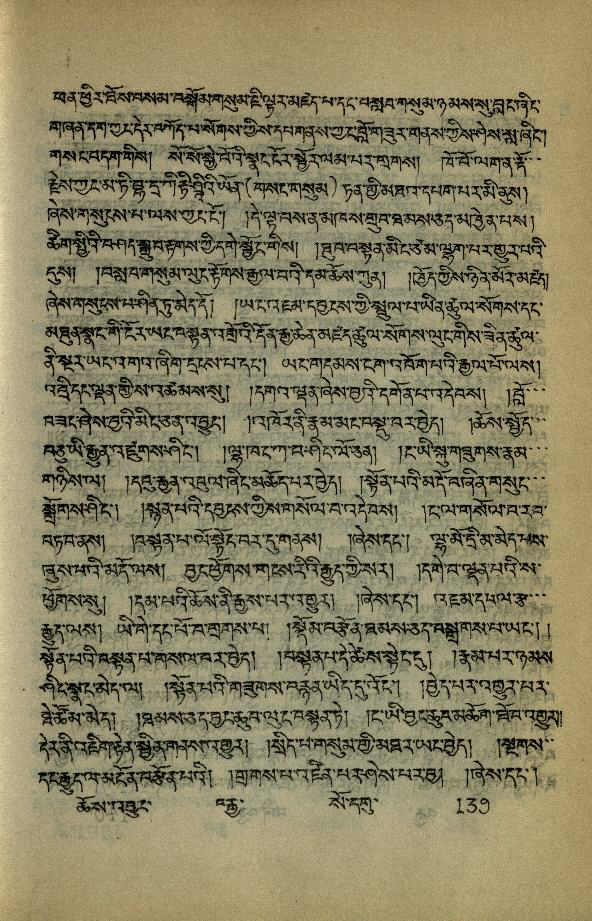ཕན་ཕྱིར་ཐོས་བསམ་བསྒོམ་གསུམ་ཇི་ལྟར་མཛད་པ་དང་བསླབ་གསུམ་ཉམས་སུ་བླང་ཞིང་
གཞན་དག་ཀྱང་དེར་བཀོད་པ་སོགས་ཀྱིས་དཔག་ནས་ཀྱང་བློ་གཟུར་གནས་ཀྱིས་ཤེས་སླ་ཞིང་།
གསང་བདག་གིས། སོ་སོ་སྐྱེ་བོའི་སྣང་ངོར་སྦྱོར་ལམ་པར་གྲགས། ཁོ་བོ་ལག་ན་རྡོ་
རྗེས་ཀྱང་མ་ཏི་བྷ་དྲ་ཀིརྟི་ཤྲཱིའི་ཡོན་གསང་གསུམ་ཏན་གྱི་མཐའ་དཔག་པར་མི་ནུས།
ཞེས་གསུངས་པ་ལས་ཀྱང་ངོ། །དེ་ལྟ་བས་ན་མཁས་གྲུབ་ཐམས་ཅད་མཁྱེན་པས།
ཚིག་སྤྱིའི་བཤད་སྒྲུབ་རྟགས་ཀྱི་དགེ་སྦྱོང་གིས། །ཐུབ་བསྟན་མིང་ཙམ་ལྷག་པར་གྱུར་པའི་
དུས། །བསླབ་གསུམ་ལུང་རྟོགས་རྒྱལ་བའི་དམ་ཆོས་ཀུན། །ཁྱོད་ཀྱིས་ཉིན་མོར་མཛད།
ཞེས་གསུངས་པ་ཤིན་ཏུ་མེད་དོ། །ཡང་འཇམ་དབྱངས་ཀྱི་སྤྲུལ་པ་ཡིན་ཚུལ་སོགས་དང་
མཐུན་སྣང་གི་ངོར་ཡང་བསྟན་འགྲོའི་དོན་རྒྱ་ཆེན་མཛད་ཚུལ་སོགས་ལུང་གིས་ཟིན་ཚུལ་
ནི་སྔར་ཡང་འགའ་ཞིག་དྲངས་པ་དང་། ཡང་གདམས་ངག་འབོག་པའི་རྒྱལ་པོ་ལས།
འབྲི་དང་ལྡན་གྱི་ས་འཚམས་སུ། །དགའ་ལྡན་ཞེས་བྱའི་དགོན་པ་འདེབས། །བློ་
བཟང་ཞེས་བྱའི་མིང་ཅན་འབྱུང་། །འཁོར་ནི་རྣམ་མང་བསྡུ་བར་བྱེད། །ཆོས་སྤྱོད་
བཅུ་ཡི་རྒྱུན་འཛུགས་ཤིང་། །ལྷ་ཁང་ཀ་བ་ཤིང་ལོ་ཅན། །ང་ཡི་སྐུ་གཟུགས་རྣམ་
གཉིས་ལ། །དབུ་རྒྱན་འབུལ་ཞིང་མཆོད་པར་བྱེད། །སྟོན་པའི་མདོ་བཞིན་གསུང་
སྒྲོགས་ཤིང་། །སྙན་པའི་དབྱངས་ཀྱིས་གསོལ་བ་འདེབས། །ང་ལ་གསོལ་བ་རབ་
བཏབ་ནས། །བསྟན་པ་ལོ་སྟོང་བར་དུ་གནས། །ཞེས་དང་། ལྷ་མོ་དྲི་མ་མེད་པས་
ཞུས་པའི་མདོ་ལས། བྱང་ཕྱོགས་གངས་རིའི་རྒྱུད་ཀྱི་སར། །དགེ་བ་ལྡན་པའི་ས་
ཕྱོགས་སུ། །དམ་པའི་ཆོས་ནི་རྒྱས་པར་འགྱུར། །ཞེས་དང་། འཇམ་དཔལ་རྩ་
རྒྱུད་ལས། ཡི་གེ་དང་པོ་བ་གྲགས་པ། །སྡོམ་བརྩོན་ཐམས་ཅད་བསྒྲགས་པ་ཡང་། །
སྟོན་པའི་བསྟན་པ་གསལ་བར་བྱེད། །བསྟན་པ་དེ་ཚེ་ས་སྟེང་དུ། །རྣམ་པར་ཉམས་
ཤིང་སྣང་མེད་ལ། །སྟོན་པའི་གཟུགས་བརྙན་ཡིད་དུ་འོང་། །བྱེད་པར་འགྱུར་པར་
ཐེ་ཚོམ་མེད། །ཐམས་ཅད་བྱང་ཆུབ་ལུང་བསྟན་ཏེ། །ང་ཡི་བྱང་ཆུབ་མཆོག་ཐོབ་འགྱུར།།
དེར་ནི་འཇིག་རྟེན་སྦྱིང་ནས་པར་གྱུར། །སྲིད་པ་གསུམ་གྱི་མཐར་ཡང་བྱེད། །སྔགས་
དང་རྒྱུད་ལ་མངོན་བརྩོན་པའི། །གྲགས་པ་འཛིན་པར་ཤེས་པར་བྱ། །ཞེས་དང་།